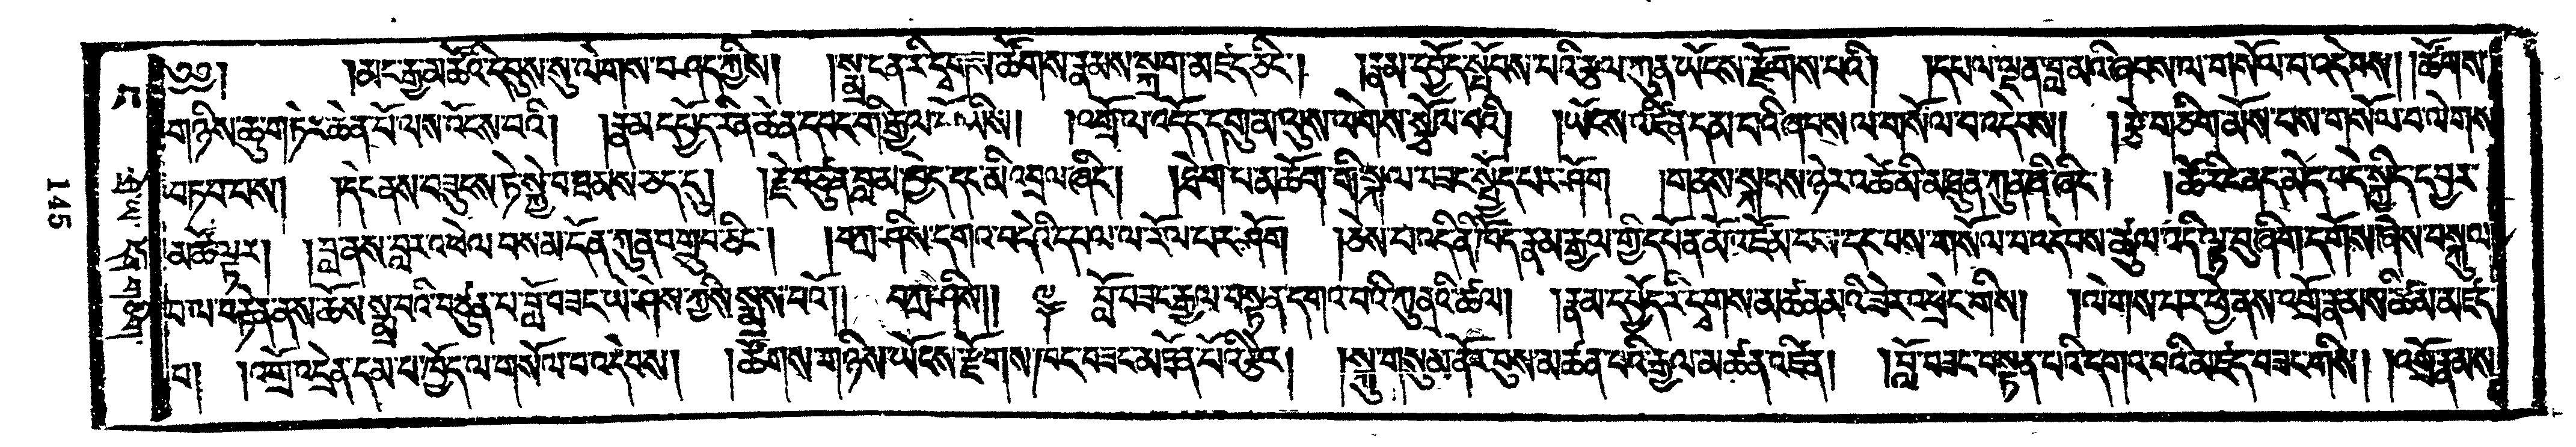༄༅། །མང་རྒྱ་མཚོའི་དབུས་སུ་ལེགས་བཤད་ཀྱིས། །སྨྲ་ངན་རི་དྭགས་ཚོགས་རྣམས་སྐྲག་མཛད་ཅིང་། །རྣམ་དཔྱོད་སྤོབས་པའི་རྩལ་ཀུན་ཡོངས་རྫོགས་པའི། །དཔལ་ལྡན་བླ་མའི་ཞབས་ལ་གསོལ་བ་འདེབས། །ཚོགས་
གཉིས་ཆུ་གཏེར་ཆེན་པོ་ལས་འོངས་པའི། །རྣམ་དཔྱོད་རིན་ཆེན་དབང་གི་རྒྱལ་པོ་ཡིས། །འགྲོ་ལ་འདོད་དགུ་མ་ལུས་ལེགས་སྩོལ་བའི། །ཡོངས་འཛིན་དམ་པའི་ཞབས་ལ་གསོལ་བ་འདེབས། །རྩེ་གཅིག་མོས་པས་གསོལ་བ་ལེགས་
བཏབ་པས། །དེང་ནས་བཟུངས་ཏེ་སྐྱེ་བ་ཐམས་ཅད་དུ། །རྗེ་བཙུན་བླ་མ་ཁྱེད་དང་མི་འབྲལ་ཞིང་། །ཐེག་པ་མཆོག་གི་སྐལ་བཟང་སྤྱོད་པར་ཤོག །གནས་སྐབས་ཉེར་འཚེ་མི་མཐུན་ཀུན་ཞི་ཞིང་། །ཚེ་རིང་ནད་མེད་བདེ་སྐྱིད་དབྱར་
མཚོ་ལྟར། །བླ་ནས་བླར་འཕེལ་བསམ་དོན་ཀུན་བགྲུབ་ཅིང་། །བཀྲ་ཤིས་དགའ་བདེའི་དཔལ་ལ་རོལ་པར་ཤོག །ཅེས་པ་འདི་ནི་ཁོད་རྣམ་རྒྱལ་གྱི་དཔོན་མོ་འཛོམ་པས་དང་བས་གསོལ་བ་འདེབས་ཚུལ་འདི་ལྟ་བུ་ཞིག་དགོས་ཞེས་བསྐུལ་
བ་ལ་བརྟེན་ནས་ཆོས་སྨྲ་བའི་བཙུན་པ་བློ་བཟང་ཡེ་ཤེས་ཀྱིས་སྨྲས་པའོ། །བཀྲ་ཤིས།། ༈ བློ་བཟང་རྒྱལ་བསྟན་དགའ་བའི་ཀུ་ནའི་ཚལ། །རྣམ་དཔྱོད་རི་དྭགས་མཚན་མའི་ཟེར་འཕྲེང་གིས། །ལེགས་པར་ཕྱེ་ནས་འགྲོ་རྣམས་ཆིམ་མཛད་
པ། །འགྲོ་འདྲེན་དམ་པ་ཁྱོད་ལ་གསོལ་བ་འདེབས། །ཚོགས་གཉིས་ཡོངས་རྫོགས་ཁང་བཟང་མཐོན་པོའི་རྩེར། །སྐུ་གསུམ་ནོར་བུས་མཚན་པའི་རྒྱལ་མཚན་འཛིན། །བློ་བཟང་བསྟན་པའི་དགའ་བའི་མཛད་བཟང་གིས། །འགྲོ་རྣམས་